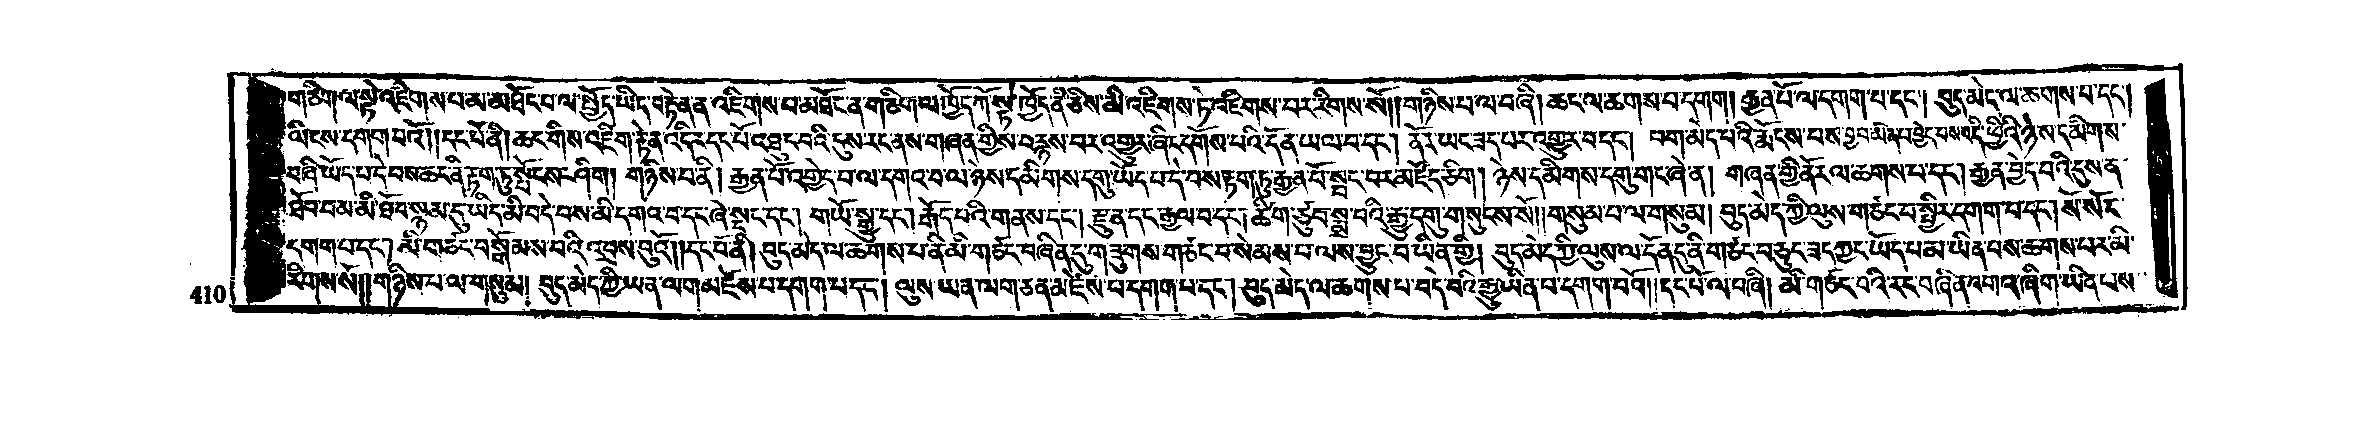གཅིག་ལ་སྟེ་འཇིགས་པ་མ་མཐོང་བ་ལ་སྤྱོད་ཡིད་བརྟེན་ན་འཇིགས་པ་མཐོང་ན་གཅིག་ལ་ཁྱོད་ཀོ་སྟེ་ཁྱོད་ནི་ཅིས་མི་འཇིགས་ཏེ་འཇིགས་པར་རིགས་སོ། །གཉིས་པ་ལ་བཞི། ཆང་ལ་ཆགས་པ་དགག །རྒྱན་པོ་ལ་དགག་པ་དང་། བུད་མེད་ལ་ཆགས་པ་དང་།
ལིངས་དགག་པའོ། །དང་པོ་ནི། ཆང་གིས་འཇིག་རྟེན་འདིར་དང་པོ་འཐུང་བའི་དུས་རང་ནས་གཞན་གྱིས་བརྙས་པར་འགྱུར་ཞིང་དགོས་པའི་དོན་ཡལ་བ་དང་། ནོར་ཡང་ཟད་པར་འགྱུར་བ་དང་། བག་མེད་པའི་རྨོངས་པས་བྱ་བ་མིན་པ་བྱེད་པས་འདི་ཕྱིའི་ཉེས་དམིགས་
བཞི་ཡོད་པ་དེ་བས་ཆང་ནི་རྟག་ཏུ་སྤོངས་ཤིག །གཉིས་པ་ནི། རྒྱན་པོ་འགྱེད་པ་ལ་དགའ་བ་ལ་ཉེས་དམིགས་དགུ་ཡོད་པ་དེ་བས་རྟག་ཏུ་རྒྱན་པོ་སྤང་བར་མཛོད་ཅིག །ཉེས་དམིགས་དགུ་གང་ཞེ་ན། གཞན་གྱི་ནོར་ལ་ཆགས་པ་དང་། རྒྱན་བྱེད་པའི་དུས་ན་
ཐོབ་བམ་མི་ཐོབ་སྙམ་དུ་ཡིད་མི་བདེ་བས་མི་དགའ་བ་དང་ཞེ་སྡང་དང་། གཡོ་སྒྱུ་དང་། རྒོད་པའི་གནས་དང་། རྫུན་དང་རྒྱལ་བ་དང་། ཚིག་ཙུབ་སྨྲ་བའི་རྒྱུ་དགུ་གསུངས་སོ། །གསུམ་པ་ལ་གསུམ། བུད་མེད་ཀྱི་ལུས་གཙང་བ་སྤྱིར་དགག་པ་དང་། སོ་སོར་
དགག་པ་དང་། མི་གཙང་བསྒོམས་པའི་འབྲས་བུའོ། །དང་པོ་ནི། བུད་མེད་ལ་ཆགས་པ་ནི་མི་གཙང་བཞིན་དུ་གཟུགས་གཙང་བ་སེམས་པ་ལས་བྱུང་བ་ཡིན་གྱི། བུད་མེད་ཀྱི་ལུས་ལ་དོན་དུ་མི་གཙང་བ་ཅུང་ཟད་ཀྱང་ཡོད་པ་མ་ཡིན་པས་ཆགས་པར་མི་
རིགས་སོ། །གཉིས་པ་ལ་གསུམ། བུད་མེད་ཀྱི་ཡན་ལག་མཛེས་པ་དགག་པ་དང་། ལུས་ཡན་ལག་ཅན་མཛེས་པ་དགག་པ་དང་། བུད་མེད་ལ་ཆགས་པ་བདེ་བའི་རྒྱུ་ཡིན་པ་དགག་པའོ། །དང་པོ་ལ་བཞི། མི་གཙང་བའི་རང་བཞིན་འགའ་ཞིག་ཡིན་པས་